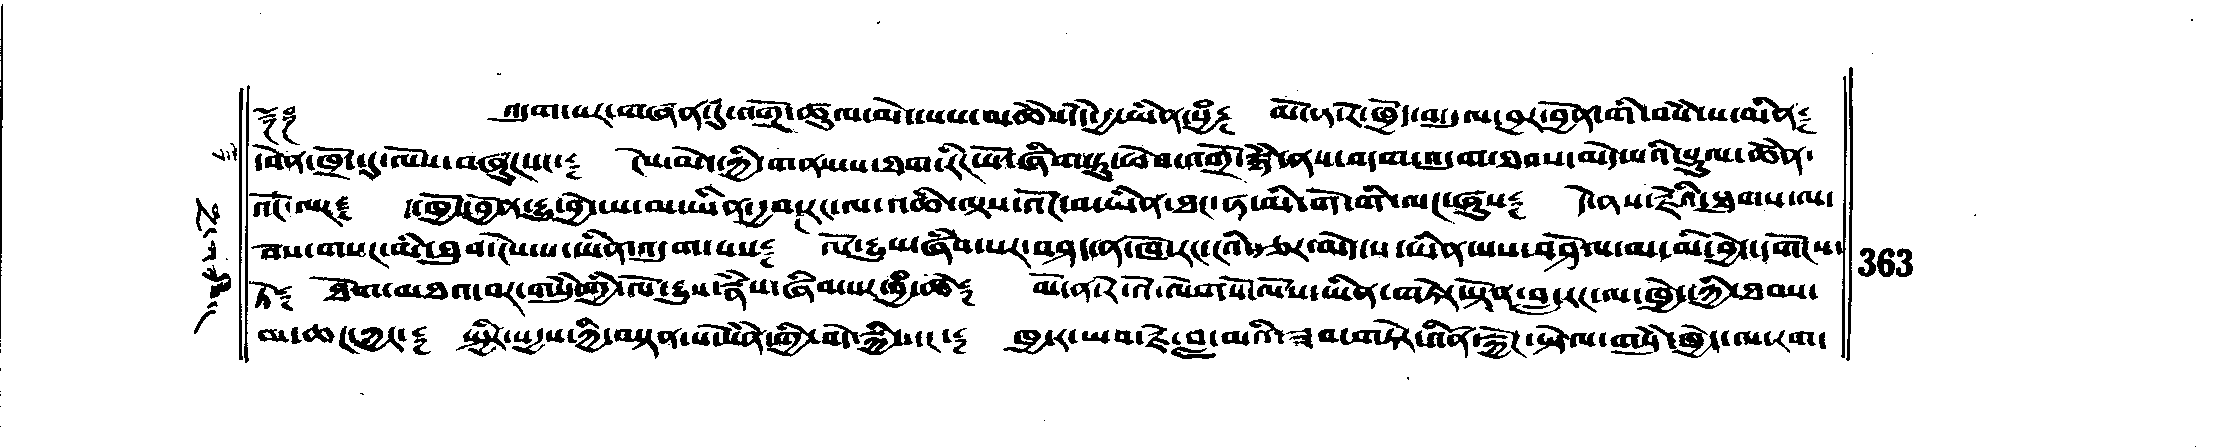འདུག་པར་གཞན་དུ་འགྲོ་ཚུལ་མེད་པས་མཚམས་དམ་རྒྱ་ཡིན་གསུངས། མོ་ན་རེ་ཁྱོད་གདུལ་བྱར་བྱོན་གྱི་བསམ་པ་མིན། 
དབེན་ཁྲོད་དུ་ལོས་བཞུགས་དང་། ངེས་མེད་ཀྱི་གནས་ས་ཐག་རིང་པོ་ཞིག་ཏུ་ཕེབས་འགྲོ་སྙམ་ནས་བདག་འདུག་ཐབས་མེད་པའི་སྡུག་བསྔལ་ཆེན་པོ་
འོང་ལགས། ད་ཁྱོད་བྱོན་རྒྱུ་བྱེད་པ་མ་ཡིན་རྒྱབ་ང་རང་ལ་འཆི་ལྟས་འོང་བ་ཡིན་ཐང་ཧ་མི་གོ་གི་ལགས་ཞུས། དེ་ནས་རྗེའི་ཐུགས་ལ་
སྦས་གསང་མི་ཐུབ་ངེས་པ་ཡིན་འདུག་པས། ལོ་རྒྱུས་ཞིབ་པར་བཤད་ན་ཁོ་རང་ངའི་རྩར་མེད་པ་ཡིན་པས་བཤོལ་མ་མི་བྱེད་དགོངས་
ཏེ།ཐོག་མཐའ་བར་གསུམ་གྱི་ལོ་རྒྱུས་རྣམས་ཞིབ་པར་གསུང་ཚེ། མོ་ན་རེ་འོ་ལེགས་པ་ལོས་ཡིན་གཏེར་སྟོན་བླ་རང་ལ་ཁྱེད་ཀྱི་ཐབས་
མ་ཆགས་ཀྱང་། སྤྱིར་སངས་རྒྱས་ཀྱི་བསྟན་པ་སེམས་ཅན་གྱི་བདེ་སྐྱིད་དང་། ཁྱད་པར་ཡབ་རྗེ་བླ་མའི་ཟབ་གཏེར་འཛིན་སྐྱོང་སྤེལ་གསུམ་ཁྱེད་ལ་རག་